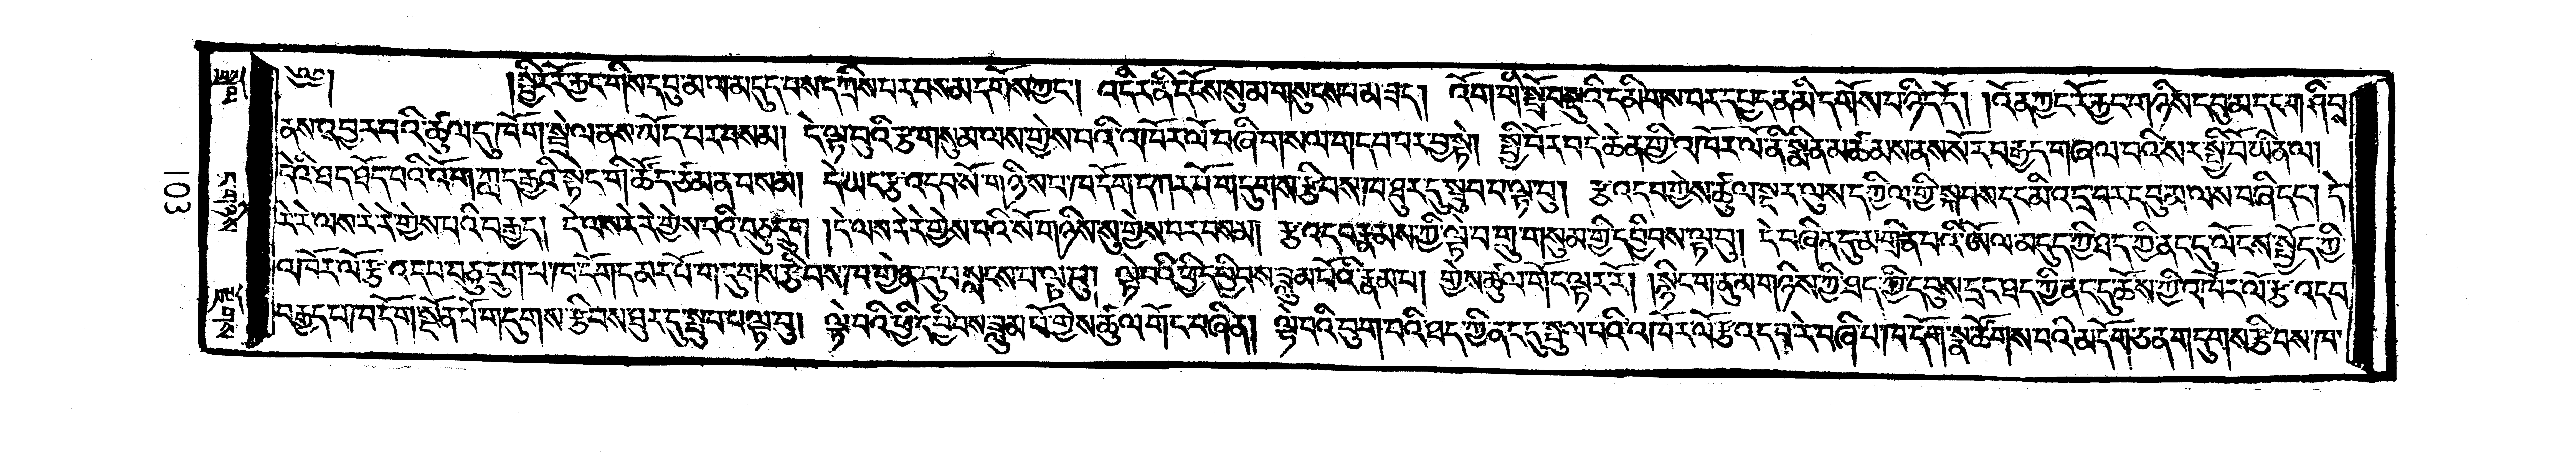༄༅། །སྤྱིར་རོ་རྐྱང་གིས་དབུ་མ་ལ་མདུད་བས་དཀྲིས་པར་བསམ་དགོས་ཀྱང་། འདིར་ནི་དངོས་སུ་མ་གསུངས་པ་མ་ཟད། འོག་གི་སྤྲོ་བསྡུའི་དམིགས་པར་དཔྱད་ན་མི་དགོས་པ་ཉིད་དོ། །འོན་ཀྱང་རོ་རྐྱང་གཉིས་དབུ་མ་དང་གཤིབས་
ནས་འབྱར་བའི་ཚུལ་དུ་ཁོག་སྤྲེལ་ནས་ཡོད་པར་བསམ། དེ་ལྟ་བུའི་རྩ་གསུམ་ལས་གྱེས་པའི་འཁོར་ལོ་བཞི་གསལ་གདབ་པར་བྱ་སྟེ། སྤྱི་བོར་བདེ་ཆེན་གྱི་འཁོར་ལོ་ནི་སྨིན་མཚམས་ནས་སེར་བརྒྱད་གཞལ་བའི་སར་སྤྱི་བོ་ཡིན་ལ།
དེའི་ཐད་ཐོད་པའི་འོག་ཀླད་རྒྱའི་སྟེང་གི་ཚོད་ཙམ་ན་བསམ། དེ་ཡང་རྩ་འདབ་སོ་གཉིས་པ་ཁ་དོག་དཀར་པོ་གདུགས་རྩིབས་ཁ་ཐུར་དུ་སྦུབ་པ་ལྟ་བུ། རྩ་འདབ་གྱེས་ཚུལ་སྔར་ལུས་དཀྱིལ་གྱི་སྐབས་དང་མི་འདྲ་བར་དབུ་མ་ལས་བཞི་དང་། དེ་
རེ་རེ་ལས་རེ་རེ་གྱེས་པའི་བརྒྱད། དེ་ལས་རེ་རེ་གྱེས་པའི་བཅུ་དྲུག །དེ་ལས་རེ་རེ་གྱེས་པའི་སོ་གཉིས་སུ་གྱེས་པར་བསམ། རྩ་འདབ་རྣམས་ཀྱི་ལྟེ་བ་གྲུ་གསུམ་གྱི་དབྱིབས་ལྟ་བུ། དེ་བཞིན་དུ་མགྲིན་པའི་ཨོལ་མདུད་ཀྱི་ཐད་ཀྱི་ནང་དུ་ལོངས་སྤྱོད་ཀྱི་
འཁོར་ལོ་རྩ་འདབ་བཅུ་དྲུག་པ་ཁ་དོག་དམར་པོ་གདུགས་རྩིབས་ཁ་གྱེན་དུ་བསླངས་པ་ལྟ་བུ། ལྟེ་བའི་ཕྱི་དབྱིབས་ཟླུམ་པོའི་རྣམ་པ། གྱེས་ཚུལ་གོང་ལྟར་རོ། །སྙིང་གནུམ་གཉིས་ཀྱི་ཐད་ཀྱི་དབུས་དྲང་ཐད་ཀྱི་ནང་དུ་ཆོས་ཀྱི་འཁོར་ལོ་རྩ་འདབ་
བརྒྱད་པ་ཁ་དོག་སྔོན་པོ་གདུགས་རྩིབས་ཐུར་དུ་སྦུབ་པ་ལྟ་བུ། ལྟེ་བའི་ཕྱི་དབྱིབས་ཟླུམ་པོ། གྱེས་ཚུལ་གོང་བཞིན། ལྟེ་བའི་བུག་པའི་ཐད་ཀྱི་ནང་དུ་སྤྲུལ་པའི་འཁོར་ལོ་རྩ་འདབ་རེ་བཞི་པ་ཁ་དོག་སྣ་ཚོགས་པའི་མདོག་ཅན་གདུགས་སིབས་ཁ་